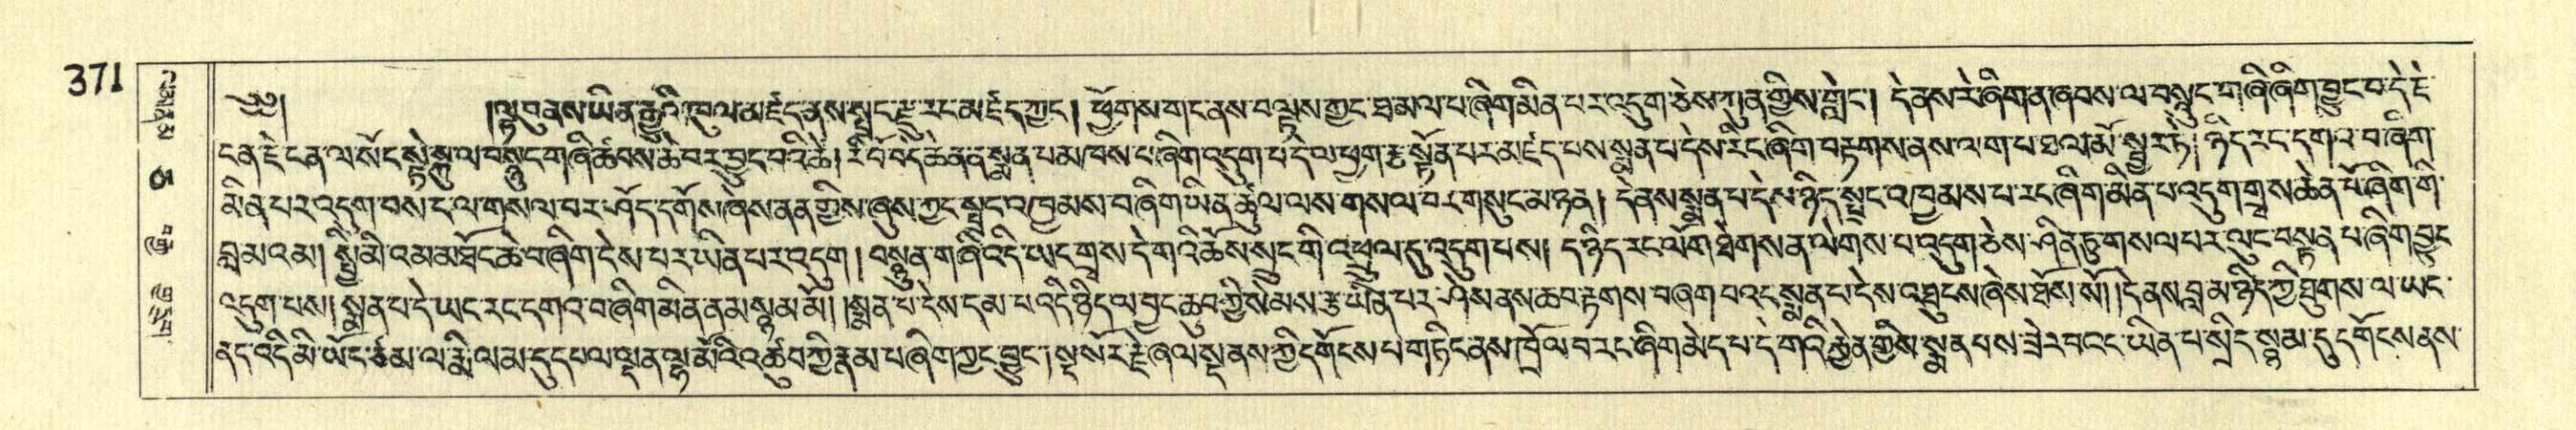༄༅། །ལྟ་བུ་ནས་ཡིན་རྒྱུའི་ཁུལ་མཛད་ནས་སྤྲང་རྫུ་རང་མཛད་ཀྱང་། ཕྱོགས་གང་ནས་བལྟས་ཀྱང་ཐ་མལ་པ་ཞིག་མིན་པར་འདུག་ཅེས་ཀུན་གྱིས་གླེང་། དེ་ནས་རེ་ཞིག་ན་ཞབས་ལ་བསཱུང་གཞི་ཞིག་བྱུང་བ་དེ་ཇེ་
ངན་ཇེ་ངན་ལ་སོང་སྟེ་སྐུ་ལ་བསྙུང་གཞི་ཚབས་ཆེ་བར་བྱུང་བའི་ཚེ། རི་བོ་བདེ་ཆེན་ན་སྨན་པ་མཁས་པ་ཞིག་འདུག་པ་དེ་ལ་ཕྱག་རྩ་སྟོན་པར་མཛད་པས་སྨན་པ་དེས་རིང་ཞིག་བརྟགས་ནས་ལག་པ་ཐལ་མོ་སྦྱར་ཏེ། ཉིད་རང་དགའ་བ་ཞིག་
མིན་པར་འདུག་བས་ང་ལ་གསལ་བར་ཤོད་དགོས་ཞེས་ནན་གྱིས་ཞུས་ཀྱང་སྤྲང་འཁྱམས་བ་ཞིག་ཡིན་ཚུལ་ལས་གསལ་བར་གསུང་མཉན། དེ་ནས་སྨན་པ་དེས་ཉིད་སྤྲང་འཁྱམས་པ་རང་ཞིག་མིན་པ་འདུག་གྲྭ་ས་ཆེན་པོ་ཞིག་གི་
བླ་མའམ། སྤྱི་མི་འམ་མཐོང་ཆེ་བ་ཞིག་ངེས་པར་ཡིན་པར་འདུག །བསྙུན་གཞི་འདི་ཡང་གྲྭ་ས་དེ་གའི་ཆོས་སྲུང་གི་འཕྲུལ་དུ་འདུག་པས། ད་ཉིད་རང་ལོག་ཐེགས་ན་ལེགས་པ་འདུག་ཅེས་ཤིན་ཏུ་གསལ་པར་ལུང་བསྟན་པ་ཞིག་བྱུང་
འདུག་པས། སྨན་པ་དེ་ཡང་རང་དགའ་བ་ཞིག་མིན་ནམ་སྙམ་མོ། །སྨན་པ་དེས་དམ་པ་འདི་ཉིད་ལ་བྱང་ཆུབ་ཀྱི་སེམས་རྩ་ཡིན་པར་ཤེས་ནས་ཆབ་རྟགས་བཞག་པའང་སྨན་པ་དེས་འཐུངས་ཞེས་ཐོས་སོ། །དེ་ནས་བླ་མ་ཉིད་ཀྱི་ཐུགས་ལ་ཡང་
ནད་འདི་མི་ཡོང་ཙམ་ལ་རྨི་ལམ་དུ་དཔལ་ལྡན་ལྷ་མོའི་འཚུབ་ཀྱི་རྣམ་པ་ཞིག་ཀྱང་བྱུང་། སྔ་སོར་རྗེ་ཞལ་སྔ་ནས་ཀྱི་དགོངས་པ་གཏིང་ནས་ཁྲོལ་བ་རང་ཞིག་མེད་པ་དེ་གའི་རྐྱེན་གྱིས་སྨན་པས་ཟེར་བའང་ཡིན་པ་སྲིད་སྙམ་དུ་དགོངས་ནས་